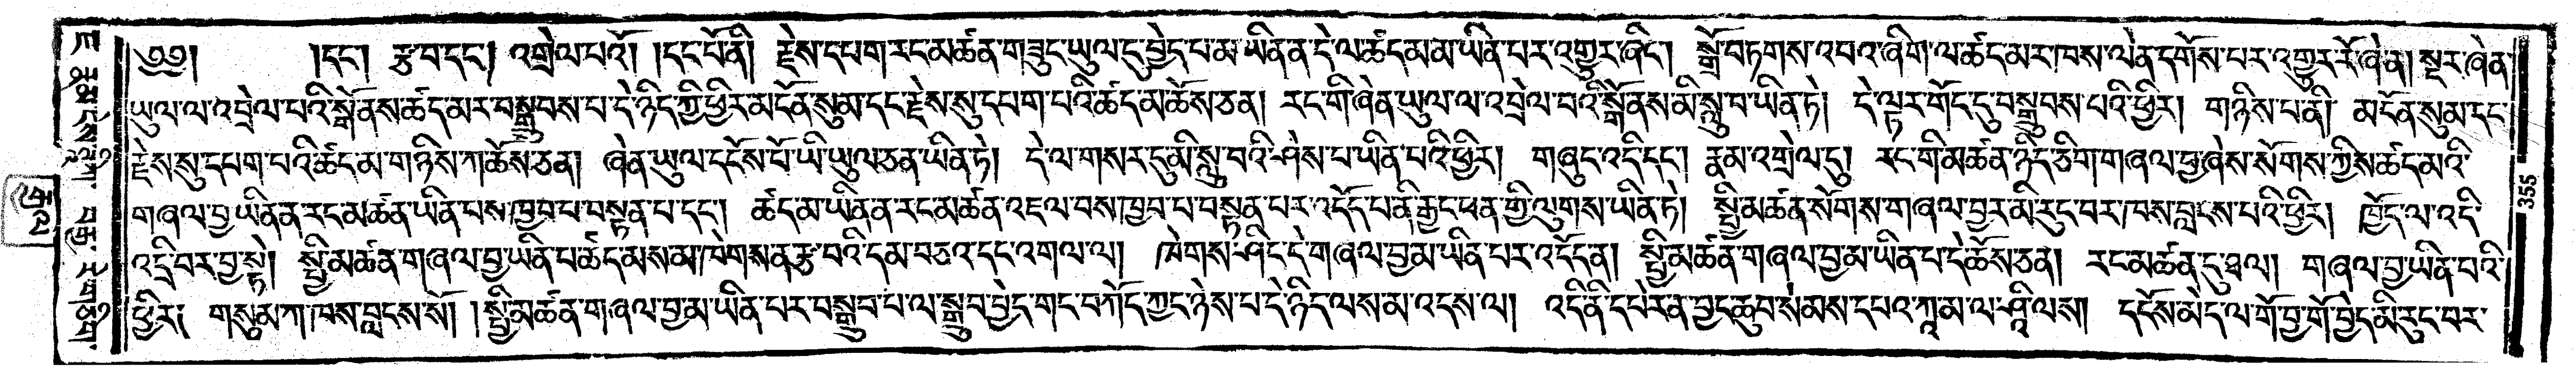༄༅། །དང་། རྩ་བ་དང་། འགྲེལ་པའོ། །དང་པོ་ནི། རྗེས་དཔག་རང་མཚན་གཟུང་ཡུལ་དུ་བྱེད་པ་མ་ཡིན་ན་དེ་ལ་ཚད་མ་མ་ཡིན་པར་འགྱུར་ཞིང་། སྒྲོ་བཏགས་འབའ་ཞིག་ལ་ཚད་མར་ཁས་ལེན་དགོས་པར་འགྱུར་རོ་ཞེ་ན། སྔར་ཞེ་ན་
ཡུལ་ལ་འབྲེལ་པའི་སྒོ་ནས་ཚད་མར་བསྒྲུབས་པ་དེ་ཉིད་ཀྱི་ཕྱིར་མངོན་སུམ་དང་རྗེས་སུ་དཔག་པའི་ཚད་མ་ཆོས་ཅན། རང་གི་ཞེན་ཡུལ་ལ་འབྲེལ་བའི་སྒོ་ནས་མི་སླུ་བ་ཡིན་ཏེ། དེ་ལྟར་གོང་དུ་བསྒྲུབས་པའི་ཕྱིར། གཉིས་པ་ནི། མངོན་སུམ་དང་
རྗེས་སུ་དཔག་པའི་ཚད་མ་གཉིས་ཀ་ཆོས་ཅན། ཞེན་ཡུལ་དངོས་པོ་ཡི་ཡུལ་ཅན་ཡིན་ཏེ། དེ་ལ་གསར་དུ་མི་སླུ་བའི་ཤེས་པ་ཡིན་པའི་ཕྱིར། གཞུང་འདི་དང་། རྣམ་འགྲེལ་དུ། རང་གི་མཚན་ཉིད་ཅིག་གཞལ་བྱ་ཞེས་སོགས་ཀྱིས་ཚད་མའི་
གཞལ་བྱ་ཡིན་ན་རང་མཚན་ཡིན་པས་ཁྱབ་པ་བསྟན་པ་དང་། ཚད་མ་ཡིན་ན་རང་མཚན་འཇལ་བས་ཁྱབ་པ་བསྟན་པར་འདོད་པ་ནི་རྒྱང་ཕན་གྱི་ལུགས་ཡིན་ཏེ། སྤྱི་མཚན་སོགས་གཞལ་བྱར་མི་རུང་བར་ཁས་བླངས་པའི་ཕྱིར། ཁྱོད་ལ་འདི་
འདྲི་བར་བྱ་སྟེ། སྤྱི་མཚན་གཞལ་བྱ་ཡིན་པ་ཚད་མས་མ་ཁེགས་ན་རྩ་བའི་དམ་བཅའ་དང་འགལ་ལ། ཁེགས་ཤིང་དེ་གཞལ་བྱ་མ་ཡིན་པར་འདོད་ན། སྤྱི་མཚན་གཞལ་བྱ་མ་ཡིན་པ་དེ་ཆོས་ཅན། རང་མཚན་དུ་ཐལ། གཞལ་བྱ་ཡིན་པའི་
ཕྱིར། གསུམ་ཀ་ཁས་བླངས་སོ། །སྤྱི་མཚན་གཞལ་བྱ་མ་ཡིན་པར་བསྒྲུབ་པ་ལ་སྒྲུབ་བྱེད་གང་བཀོད་ཀྱང་ཉེས་པ་དེ་ཉིད་ལས་མ་འདས་ལ། འདི་ནི་དཔེར་ན་བྱང་ཆུབ་སེམས་དཔའ་ཀཱ་མ་ལ་ཤཱི་ལས། དངོས་མེད་ལ་གོ་བྱ་གོ་བྱེད་མི་རུང་བར་